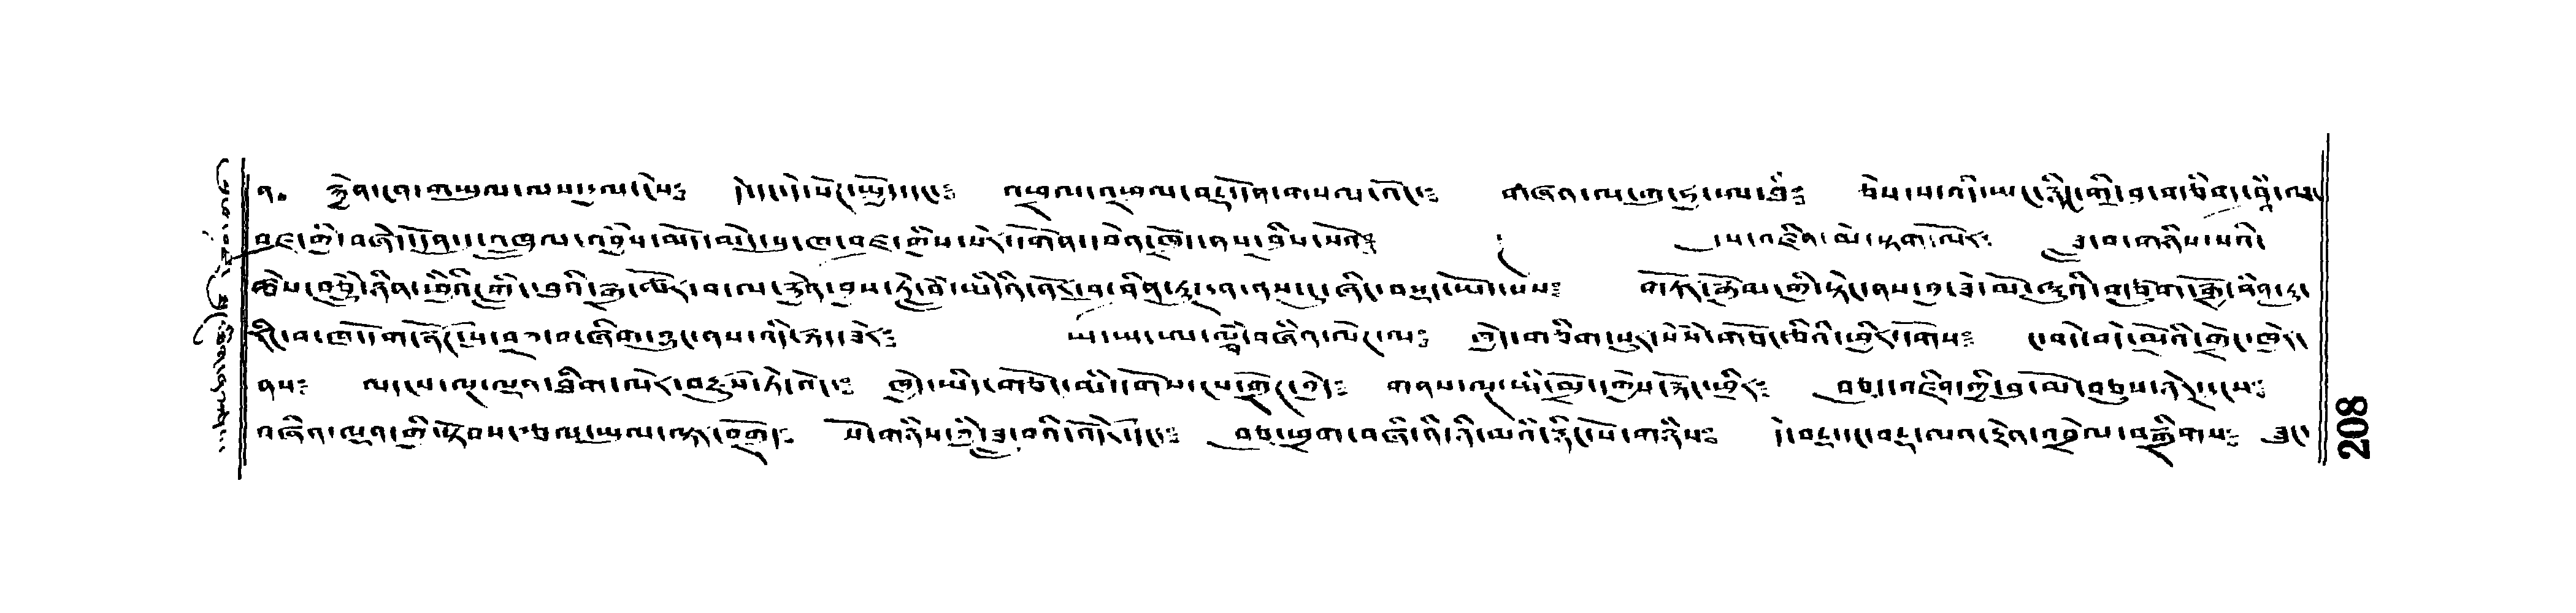ན༔ ན་ངན་གཡུལ་ལས་རྒྱལ་ངེས༔ དེ་དང་དེ་སོགས་སྤྱོད་དང༔ འཕྲལ་འཕྲལ་བརྡ་དོན་གསལ་འོང༔ གཞན་ལ་གུ་ཧྱ་ཨ་ཐཾ༔ ཅེས་པ་འདི་ཡང་སྙིང་གི་བུ་གཅིག་ཤཱི་ལ་
བཛྲ་གྱི་བཞེད་དོན་དུ་འཁྲུལ་འབྱམས་མདོ་མེད་སུ་ཁ་བཛྲ་གྱིས་སེར་དགོན་དབེན་ཁྲོད་ནས་བྲིས་པའོ།། ༈ དུས་འཛིན་མེ་སྟག་ལོའི་ཟླ་བ་གཉིས་པའི་
ཚེས་བཅུ་གསུམ་ཉིན་གླིང་བུའི་སྒྲ་ཚོར་བས་རྐྱེན་བྱས་ཏེ་བླ་མ་ཡིད་བཞིན་ནོར་བུ་ཤིན་ཏུ་དྲན་ནས་ངུ་ཞིང་བསྡད་ཡོད་པས༔ གཏེར་སྒྲོམ་གྱི་སྟེང་ནས་བྱ་ཟེ་མོ་ལྟ་བུའི་གཙུག་སྒྲོ་ཤིན་ཏུ་
རིང་བ་ཁ་དོག་སྣ་ཚོགས་སུ་བཀྲ་བ་ཞིག་བྱུང་ནས་འདི་སྐད་ཟེར༔ ཡ་ཡ་ཨ་ལྕམ་བཞིན་ལེགས་ལ༔ ཁྱེད་གཅིག་པུར་སེམས་གཅོང་ཅིའི་ཕྱིར་དགོས༔ ང་བདེ་བདེ་མཁའ་འགྲོའི་གྲོང་ཁྱེར་
ནས༔ མདངས་ལྔ་ལྡན་ཐིག་ལེར་བརྫུས་ཏེ་འོངསཿ ཁྱེད་ཡིད་གཅོང་མི་དགོས་ངས་གྲོགས་བྱེད༔ གནས་ལྔ་ཡི་མཁའ་འགྲོ་དགྱེས་སྐོང་ཕྱིར༔ བཅུད་འཛིན་གྱི་བུ་མོ་བཅུས་ཉེར་དྲངས༔ 
བཞིན་ལྡན་གྱི་སྟོབས་རྩལ་ཡུལ་ལྟར་བགྲོད༔ སོ་གཉིས་ཀྱི་ཟླ་བའི་འོད་ཟེར་དང༔ བཅུ་ཕྲག་བཞི་ནི་ཉི་མའི་སྙིང་པོ་གཉིས༔ དེ་བརྡ་དང་བརྡ་ལན་རྟེན་འབྲེལ་བསྒྲིགས༔ ཟུང་